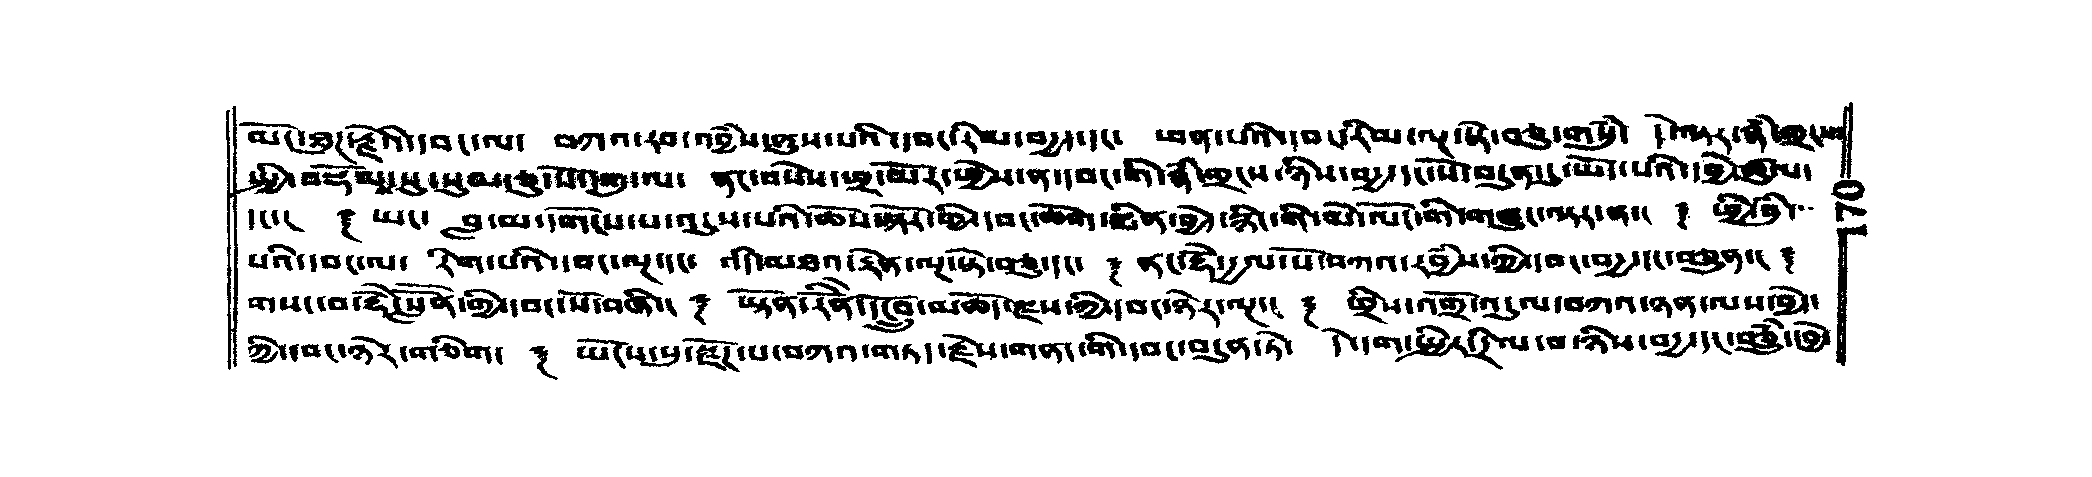མོང་ཐུགས་རྗེའི་དབང་ལ། བཀའ་རབ་འབྱམས་ནུས་པའི་དབང་རིམ་བརྒྱད་དང་། ཕན་པའི་དབང་རིམ་ལྔ་སྟེ་བཅུ་གསུམ། དེ་ལྟར་རྣམ་གྲངས་
སྤྱི་བསྡོམས་སུ་སུམ་ཅུ་སོ་དགུ་ལ། ནང་བསེས་ཕྲ་མོར་ཕྱེས་ན་དབང་གི་རྣམ་གྲངས་ཉིས་བརྒྱ་དང་སོ་བདུན་དུ་ཡོད་པའི་དབྱེ་ཚུལ་
དང་། ཡང་བླ་མ་དགོངས་པ་འདུས་པའི་ཆོས་སྐོར་གྱི་དབང་ཆོག་སྨིན་བྱེད་སྙིང་གི་མེ་ལོང་གི་གཞུང་ལྟར་ན། ཕྱི་བུམ་
པའི་དབང་ལ། རིག་པའི་དབང་ལྔ་དང་། མཐའ་རྟེན་ལྔ་སྟེ་བཅུ་དང་། ནང་རྡོ་རྗེ་རྒྱལ་པོ་བཀའ་རབ་འབྱམས་ཀྱི་དབང་བརྒྱ་དང་བཅུ་བདུན། 
གསང་བ་རྡོ་རྗེ་སློབ་དཔོན་གྱི་དབང་སོ་བཞི། ཡོན་ཏན་རིན་པོ་ཆེ་དངོས་གྲུབ་མཆོད་རྫས་ཀྱི་དབང་ཉེར་ལྔ། ཕྲིན་ལས་འགྲོ་འདུལ་བཀའ་ཉན་ལས་བྱེད་
ཀྱི་དབང་ཉེར་གཅིག ཡོངས་སུ་རྫོགས་པ་བཀའ་གཏད་རྗེས་གནང་གི་དབང་བདུན་ཏེ། དེ་དག་སྤྱིར་དྲིལ་བ་ཉིས་བརྒྱ་དང་བཅུ་གསུམ་དབྱེ་